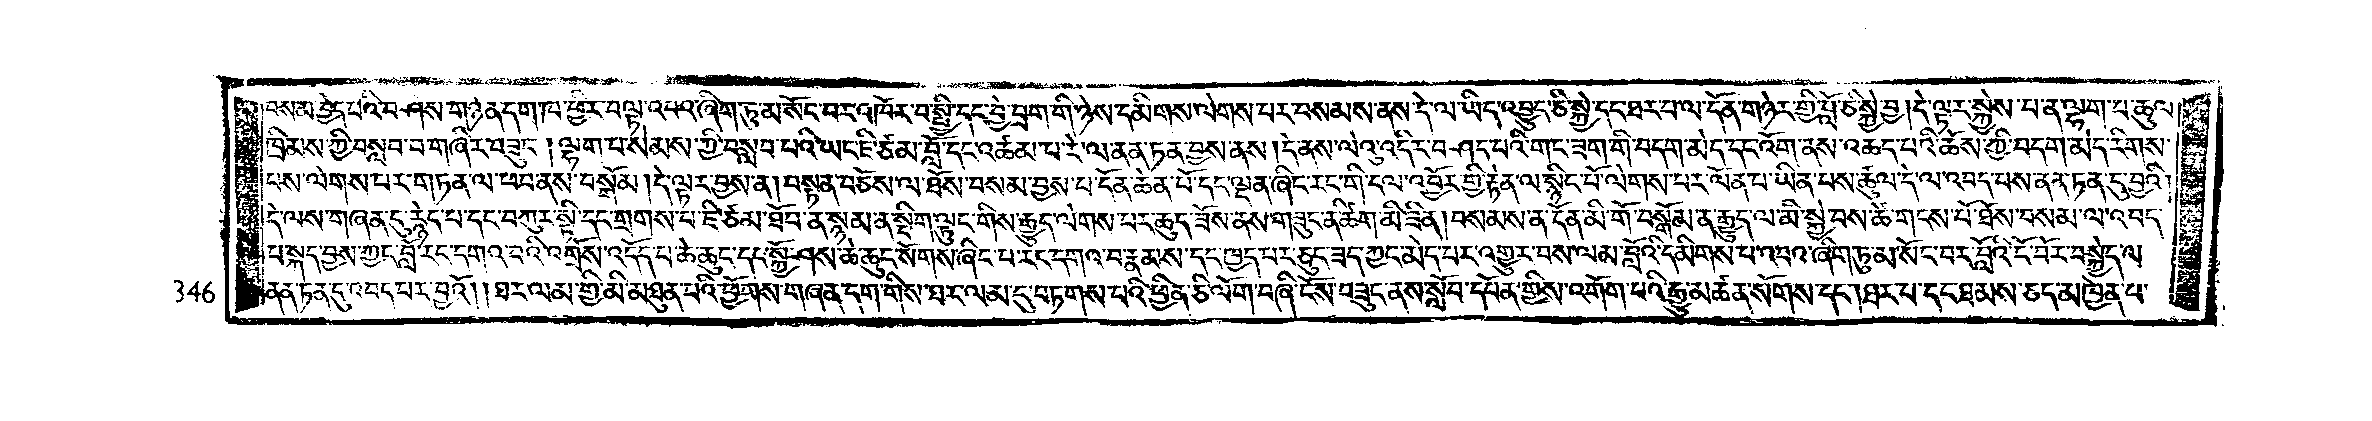བསམ་བྱེད་པའི་བཤེས་གཉེན་དག་ཁ་ཕྱིར་བལྟ་འབའ་ཞིག་ཏུ་མ་སོང་བར་འཁོར་བ་སྤྱི་དང་བྱེ་བྲག་གི་ཉེས་དམིགས་ལེགས་པར་བསམས་ནས་དེ་ལ་ཡིད་འབྱུང་ཅི་སྐྱེ་དང་ཐར་པ་ལ་དོན་གཉེར་གྱི་བློ་ཅི་སྐྱེ་བྱ། དེ་ལྟར་སྐྱེས་པ་ན་ལྷག་པ་ཚུལ་
ཁྲིམས་ཀྱི་བསླབ་པ་གཞིར་བཟུང་། ལྷག་པ་སེམས་ཀྱི་བསླབ་པའི་ཡང་ཇི་ཙམ་བློ་དང་འཚམ་པ་རེ་ལ་ནན་ཏན་བྱས་ནས། དེ་ནས་ལེའུ་འདིར་བཤད་པའི་གང་ཟག་གི་བདག་མེད་དང་འོག་ནས་འཆད་པའི་ཆོས་ཀྱི་བདག་མེད་རིགས་
པས་ལེགས་པར་གཏན་ལ་ཕབ་ནས་བསྒོམ། དེ་ལྟར་བྱས་ན། བསྟན་བཅོས་ལ་ཐོས་བསམ་བྱས་པ་དོན་ཆེན་པོ་དང་ལྡན་ཞིང་རང་གི་དལ་འབྱོར་གྱི་རྟེན་ལ་སྙིང་པོ་ལེགས་པར་ལོན་པ་ཡིན་པས་ཚུལ་དེ་ལ་འབད་པས་ནན་ཏན་དུ་བྱའི།
དེ་ལས་གཞན་དུ་རྙེད་པ་དང་བཀུར་སྟི་དང་གྲགས་པ་ཇི་ཙམ་ཐོབ་ན་སྙམ་ན་སྡིག་ལྟུང་གིས་རྒྱུད་ལེགས་པར་ཆུད་ཟོས་ནས་གཟུང་ན་ཚིག་མི་ཟིན། བསམས་ན་དོན་མི་གོ་བསྒོམ་ན་རྒྱུད་ལ་མི་སྐྱེ་བས་ཚེ་གངས་པོ་ཐོས་བསམ་ལ་འབད་
པ་སྐད་བྱས་ཀྱང་བློ་རང་དགའ་བའི་འགྲོས་འདོད་པ་ཆེ་ཆུང་དང་སྐྱོ་ཤས་ཆེ་ཆུང་སོགས་ཞིང་པ་རང་དགའ་བ་རྣམས་དང་ཁྱད་པར་ཅུང་ཟད་ཀྱང་མེད་པར་འགྱུར་བས་ལམ་བློའི་དམིགས་པ་འབའ་ཞིག་ཏུ་མ་སོང་བར་བློའི་ངོ་བོར་བསྐྱེད་ལ་
ནན་ཏན་དུ་འབད་པར་བྱའོ། །ཐར་ལམ་གྱི་མི་མཐུན་པའི་ཕྱོགས་གཞན་དག་གིས་ཐར་ལམ་དུ་བཏགས་པའི་ཕྱིན་ཅི་ལོག་བཞི་ངོས་བཟུང་ནས་སློབ་དཔོན་གྱིས་འགོག་པའི་རྒྱུ་མཚན་སོགས་དང་། ཐར་པ་དང་ཐམས་ཅད་མཁྱེན་པ་